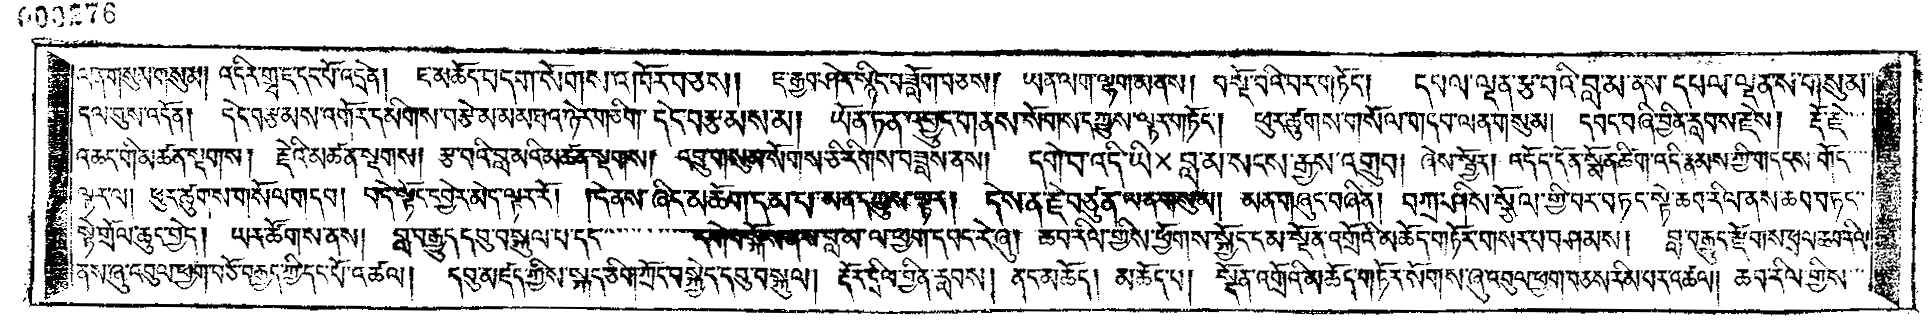ལན་གསུམ་གསུམ། འདིར་གྲྭ་ཇ་དང་པོ་འདྲེན། ཇ་མཆོད་བདག་སོགས་འཁོར་བཅས། ཇ་རྒྱབ་ཤེར་སྙིང་བཟློག་བཅས། ཡན་ལག་ལྷག་མ་ནས། བསྔོ་བའི་བར་གཏོང་། དཔལ་ལྡན་རྩ་བའི་བླ་མ་ནས་དཔལ་ལྡན་ས་གསུམ་
དལ་བུས་འདོན། དེང་བརྩམས་འགོར་དམིགས་བརྩེ་མ་མ་མཐའ་ཉེར་གཅིག་དེང་བརྩམས་མ། ཡོན་ཏན་འབྱུང་གནས་སོགས་དཀྱུས་ལྟར་གཏོང་། ཕུར་ཚུགས་གསོལ་གདབ་ལན་གསུམ། དབང་བཞི་བྱིན་རླབས་རྗེས། རྡོ་རྗེ་
འཆང་གི་མཚན་སྔགས། རྗེའི་མཚན་སྔགས། རྩ་བའི་བླ་མའི་མཚན་སྔགས། འབྲུ་གསུམ་སོགས་ཅི་རིགས་བཟླས་ནས། དགེ་བ་འདི་ཡི྾་བླ་མ་སངས་རྒྱས་འགྲུབ། ཞེས་སྦྱོར། འདོད་དོན་སྨོན་ཚིག་འདི་རྣམས་ཀྱི་གདངས་གོང་
ལྟར་ལ། ཕུར་ཚུགས་གསོལ་གདབ། བདེ་སྟོང་དབྱེར་མེད་ལྟར་རོ། །དེ་ནས་ཞིང་མཆོག་དམ་པ་མན་དཀྱུས་ལྟར།  དེས་ན་རྗེ་བཙུན་ལན་གསུམ། མན་གཞུང་བཞིན།  བཀྲ་ཤིས་སྩོལ་གྱི་བར་བཏང་སྟེ་ཆབ་རིལ་ནས་ཆབ་བཏང་
སྟེ་གྲོལ་ཆུང་བྱེད། ཡར་ཚོགས་ནས། བླ་བརྒྱུད་དབུ་བསྐུལ་པ་དང་དགེ་བསྐོས་ནས་བླ་མ་ལ་ཕྱག་དབང་རེ་ཞུ། ཆབ་རིལ་གྱིས་ཕྱོགས་སྐྱོང་ངམ་སྔོན་འགྲོའི་མཆོད་གཏོར་གསར་པ་བཤམས། བླ་བརྒྱུད་རྫོགས་ཕྲལ་ཆབ་རིལ་
ནས་ཞུ་འབུལ་ཕྱག་བཅོ་བརྒྱད་ཀྱི་དང་པོ་འཚལ། དབུ་མཛད་ཀྱིས་སྐད་ཅིག་ཀྲོང་བསྐྱེད་དབུ་བསྐུལ། རྡོར་དྲིལ་བྱིན་རླབས། ནང་མཆོད། མཆོད་པ། སྔོན་འགྲོའི་མཆོད་གཏོར་སོགས་ཞུ་འབུལ་ཕྱག་བཅས་རིམ་པར་འཚལ། ཆབ་རིལ་གྱིས་